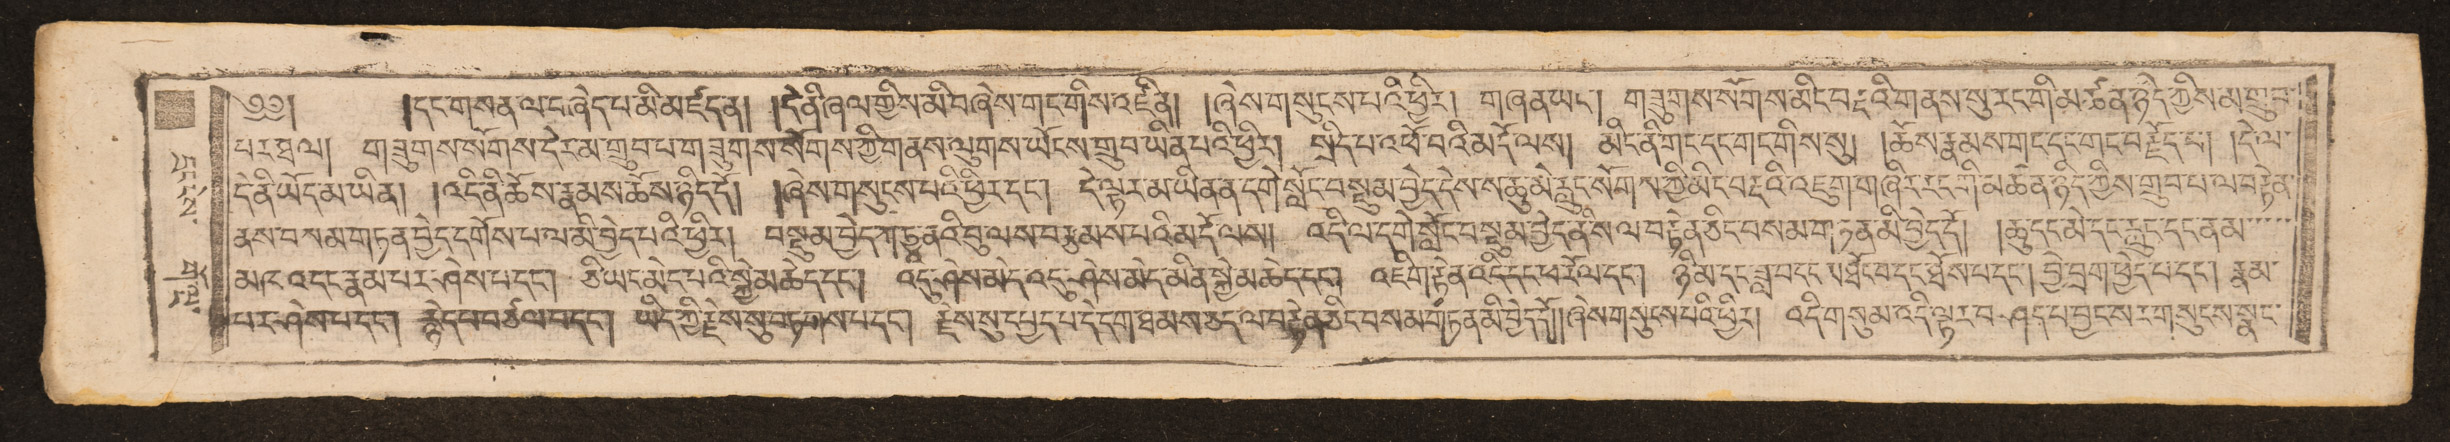༄༅། །དང་གསན་ལ་བཞེད་པ་མི་མཛད་ན། །དེ་ནི་ཞལ་གྱིས་མི་བཞེས་གང་གིས་འཛིན། །ཞེས་གསུངས་པའི་ཕྱིར། གཞན་ཡང་། གཟུགས་སོགས་མིང་བརྡའི་གནས་སུ་རང་གི་མཚན་ཉིད་ཀྱིས་མ་གྲུབ་པར་ཐལ། གཟུགས་སོགས་དེར་མ་གྲུབ་པ་གཟུགས་སོགས་ཀྱི་གནས་ལུགས་ཡོངས་གྲུབ་ཡིན་པའི་ཕྱིར། སྲིད་པ་འཕོ་བའི་མདོ་ལས། མིང་ནི་གང་དང་གང་གིས་སུ། །ཆོས་རྣམས་གང་དང་གང་བརྗོད་པ། །དེ་ལ་
དེ་ནི་ཡོད་མ་ཡིན། །འདི་ནི་ཆོས་རྣམས་ཆོས་ཉིད་དོ། །ཞེས་གསུངས་པའི་ཕྱིར་དང་། དེ་ལྟར་མ་ཡིན་ན་དགེ་སློང་བསྡུམ་བྱེད་དེས་ས་ཆུ་མེ་རླུང་སོགས་ཀྱི་མིང་བརྡའི་འཇུག་གཞིར་རང་གི་མཚན་ཉིད་ཀྱིས་གྲུབ་པ་ལ་བརྟེན་
ནས་བསམ་གཏན་བྱེད་དགོས་པ་ལ་མི་བྱེད་པའི་ཕྱིར། བསྡུམ་བྱེད་ཀ་ཏྱཱ་ནའི་བུ་ལས་བརྩམས་པའི་མདོ་ལས། འདི་ལ་དགེ་སློང་བསྡུམ་བྱེད་ནི་ས་ལ་བརྟེན་ཅིང་བསམ་གཏན་མི་བྱེད་དོ། །ཆུ་དང་མེ་དང་རླུང་དང་ནམ་
མཁའ་དང་རྣམ་པར་ཤེས་པ་དང་། ཅི་ཡང་མེད་པའི་སྐྱེ་མཆེད་དང་། འདུ་ཤེས་མེད་འདུ་ཤེས་མེད་མིན་སྐྱེ་མཆེད་དང་། འཇིག་རྟེན་འདི་དང་ཕ་རོལ་དང་། ཉི་མ་དང་ཟླ་བ་དང་མཐོང་བ་དང་ཐོས་པ་དང་། བྱེ་བྲག་ཕྱེད་པ་དང་། རྣམ་
པར་ཤེས་པ་དང་། རྙེད་པ་བཙལ་བ་དང་། ཡིད་ཀྱི་རྗེས་སུ་བཏགས་པ་དང་། རྗེས་སུ་དཔྱད་པ་དེ་དག་ཐམས་ཅད་ལ་བརྟེན་ཅིང་བསམ་གཏན་མི་བྱེད་དོ། །ཞེས་གསུངས་པའི་ཕྱིར། འདི་གསུམ་འདི་ལྟར་བཤད་པ་བྱང་སར་གསུངས་སྣང་